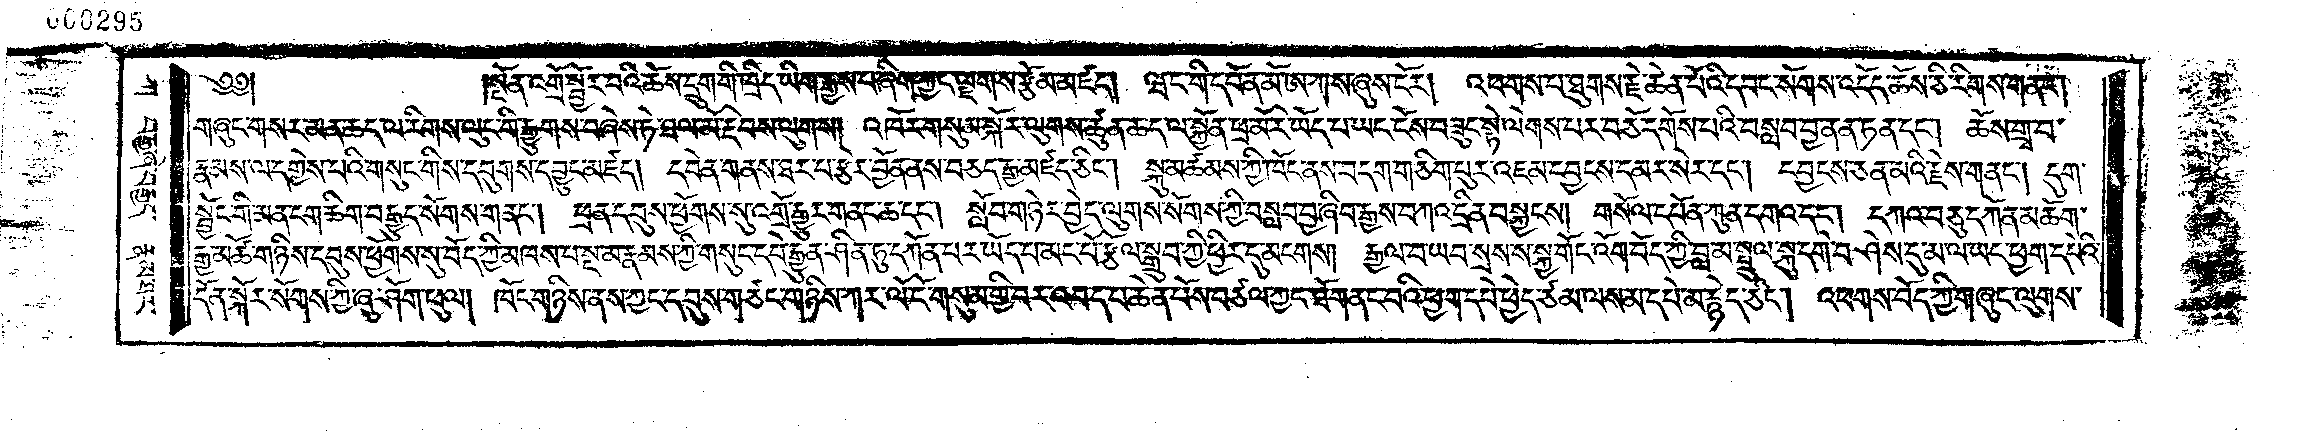༄༅། །སྔོན་འགྲོ་སྦྱོར་བའི་ཆོས་དྲུག་གི་ཁྲིད་ཡིག་རྒྱས་པ་ཞིག་ཀྱང་ལྗགས་རྩོམ་མཛད། ཝང་གི་དཔོན་མོ་ཨ་ཀས་ཞུས་ངོར། འཕགས་པ་ཐུགས་རྗེ་ཆེན་པོའི་དབང་སོགས་འདོད་ཆོས་ཅི་རིགས་གནང་།
གཞུང་གསར་མན་ཆད་ལ་རིགས་ལུང་གི་རྒྱུགས་བཞེས་ཏེ་ཐལ་མོ་རྡེབས་ལུགས། འཁོར་གསུམ་སྐོར་ལུགས་ཚུན་ཆད་ལ་སྐྱོན་ཕྲ་མོ་རེ་ཡོད་པ་ཡང་ངོས་བཟུང་སྟེ་ལེགས་པར་བཅོ་དགོས་པའི་བསླབ་བྱ་ནན་ཏན་དང་། ཆོས་གྲྭ་བ་
རྣམས་ལ་དགྱེས་པའི་གསུང་གིས་དབུགས་དབྱུང་མཛད། དབེན་གནས་ཐར་པ་རྩེར་བྱོན་ནས་བཅད་རྒྱ་མཛད་ཅིང་། སྐུ་མཚམས་ཀྱི་ཁོང་ནས་བདག་གཅིག་པུར་འཇམ་དབྱངས་དམར་སེར་དང་། དབྱངས་ཅན་མའི་རྗེས་གནང་། དུག་
སྦྱོང་གི་མན་ངག་ཚིག་བརྒྱུད་སོགས་གནང་། ཕྲན་དབུས་ཕྱོགས་སུ་འགྲོ་རྒྱུར་གནང་ཆ་དང་། སློབ་གཉེར་བྱེད་ལུགས་སོགས་ཀྱི་བསླབ་བྱ་ཞིབ་རྒྱས་བཀའ་དྲིན་བསྐྱངས། གསོལ་དཔོན་ཀུན་དགའ་དང་། དཀའ་བཅུ་དཀོན་མཆོག་
རྒྱ་མཚོ་གཉིས་དབུས་ཕྱོགས་སུ་བོད་ཀྱི་མཁས་པ་སྔ་མ་རྣམས་ཀྱི་གསུང་དཔེ་རྒྱུན་ཤིན་ཏུ་དཀོན་པར་ཡོད་པ་མང་པོ་རྩོལ་སྒྲུབ་ཀྱི་ཕྱིར་དུ་མངགས། རྒྱལ་བ་ཡབ་སྲས་ས་སྐྱ་གོང་འོག་བོད་ཀྱི་བླ་མ་སྤྲུལ་སྐུ་དགེ་བཤེས་དུ་མ་ལ་ཡང་ཕྱག་དཔེའི་
དོན་སྐོར་སོགས་ཀྱི་ཞུ་ཤོག་ཕུལ། ཁོང་གཉིས་ནས་ཀྱང་དབུས་གཙང་གཉིས་ཀར་ལོ་ངོ་གསུམ་གྱི་བར་འབད་པ་ཆེན་པོས་བཙལ་ཀྱང་ཐོ་གནང་བའི་ཕྱག་དཔེ་ཕྱེད་ཙམ་ལས་མ་དཔེ་མ་རྙེད་ཅིང་། འཕགས་བོད་ཀྱི་གཞུང་ལུགས་